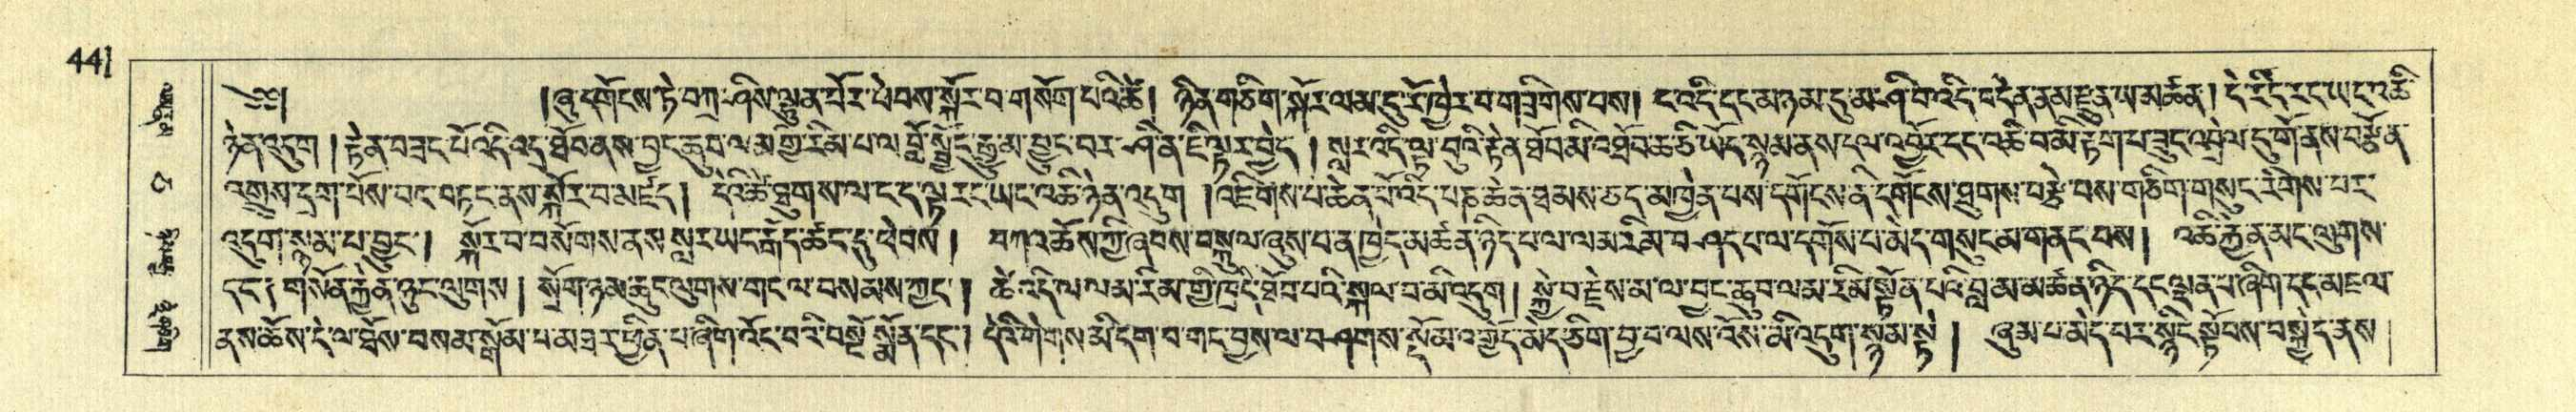༄༅། །ཞུ་དགོངས་ཏེ་བཀྲ་ཤིས་ལྷུན་པོར་ཕེབས་སྐོར་བ་གསོག་པའི་ཚེ། ཉིན་གཅིག་སྐོར་ལམ་དུ་རོ་ཁྱེར་བ་གཟིགས་པས། ང་འདི་དང་མཉམ་དུ་མ་ཤི་བའི་བདེན་ནམ་རྫུན་ཡ་མཚན། དེ་རིང་རང་ཡང་འཆི་
ཉེན་འདུག །རྟེན་བཟང་པོ་འདི་འདྲ་ཐོབ་ནས་བྱང་ཆུབ་ལམ་གྱི་རིམ་པ་ལ་བློ་སྦྱོང་རྒྱུ་མ་བྱུང་བར་ཤིན་ཇི་ལྟར་བྱེད། སླར་འདི་ལྟ་བུའི་རྟེན་ཐོབ་མི་འཐོབ་ཆ་ཅི་ཡོད་སྙམ་ནས་དལ་འབྱོར་དང་འཆི་བ་མི་རྟག་པ་ཟུང་འབྲེལ་དུ་གོ་ནས་བརྩོན་
འགྲུས་དྲག་པོས་བང་བཏང་ནས་སྐོར་བ་མཛད། དེའི་ཚེ་ཐུགས་ལ་ང་ད་ལྟ་རང་ཡང་འཆི་ཉིན་འདུག །འཇིགས་པ་ཆེན་པོ་འདི་པཎ་ཆེན་ཐམས་ཅད་མཁྱེན་པས་དགོངས་ནི་དགོངས་ཐུགས་བརྩེ་བས་གཅིག་གསུང་རིགས་པར་
འདུག་སྙམ་པ་བྱུང་། སྐོར་བ་བསོགས་ནས་སླར་ཡང་རྒོད་ཚང་དུ་ཕེབས། བཀའ་ཆོས་ཀྱི་ཞབས་བསྐུལ་ཞུས་པ་ན་ཁྱེད་མཚན་ཉིད་པ་ལ་ལམ་རིམ་བཤད་པ་ལ་དགོས་པ་མེད་གསུངས་མ་གནང་བས། འཆི་རྐྱེན་མང་ལུགས་
དང༑ གསོན་རྐྱེན་ཉུང་ལུགས། སྲོག་ཉམ་ཆུང་ལུགས་གང་ལ་བསམས་ཀྱང་། ཚེ་འདི་ལ་ལམ་རིམ་གྱི་ཁྲིད་ཐོབ་པའི་སྐལ་བ་མི་འདུག། སྐྱེ་བ་རྗེས་མ་ལ་བྱང་ཆུབ་ལམ་རིམ་སྟོན་པའི་བླ་མ་མཚན་ཉིད་དང་ལྡན་པ་ཞིག་དང་མཇལ་
ནས་ཆོས་དེ་ལ་ཐོས་བསམ་སྒོམ་པ་མཐར་ཕྱིན་པ་ཞིག་འོང་བའི་བསྔོ་སྨོན་དང་། དེའི་གེགས་མི་དག་བ་གང་བྱས་ལ་བཤགས་སྡོམ་འགྱོད་མེད་ཅིག་བྱ་བ་ལས་འོས་མི་འདུག་སྙམ་སྟེ། ཞུམ་པ་མེད་པར་སྙིང་སྟོབས་བསྐྱེད་ནས།